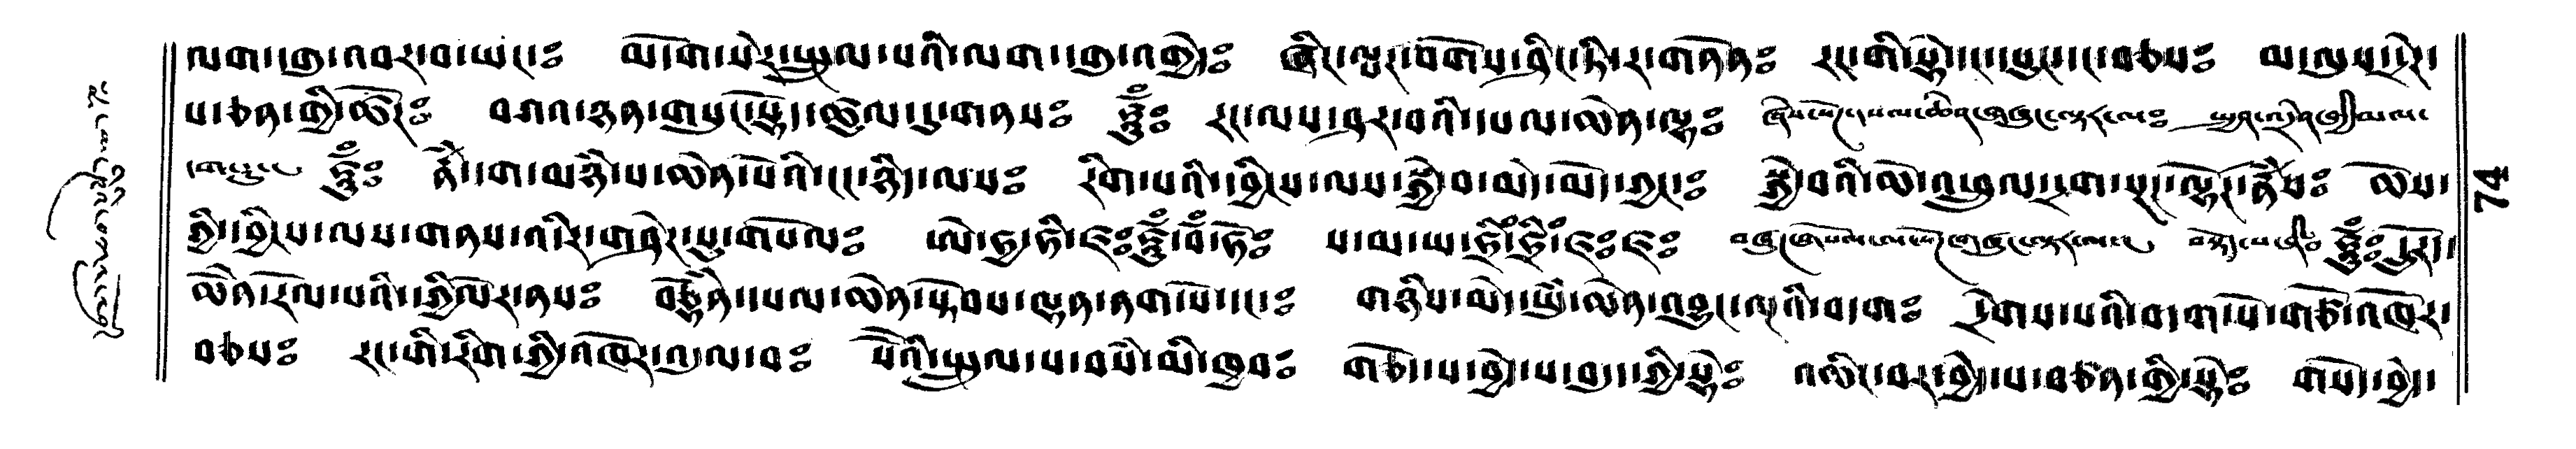ལག་དགུ་འབར་བ་ཡང་ཿ མདོག་སེར་སྤྲུལ་པའི་ལག་དགུ་འགྱེདཿ ཞིང་ལྤགས་གོན་ཤིང་ཏི་ར་གནོནཿ རང་གི་སྡེ་དང་དཔུང་དང་བཅསཿ མ་ལུས་དྲེགས་
པ་ཅན་གྱི་ཚོགསཿ བཀའ་ཉན་གསུང་སྡོད་ཚུལ་དུ་གནསཿ ཧཱུྃཿ རང་ལས་ཤར་བའི་དཔལ་ཆེན་ལྷཿ ཞེས་སོགས་དཔལ་ཆེན་གཞུང་ལྟར་ལཿ སྤྱན་འདྲེན་གྱི་མལ་
དག་ཏུ། ཧཱུྃཿ རྣམ་དག་མཉམ་པ་ཆེན་པོའི་ངང་ཉིད་ལསཿ རིག་པའི་དབྱིངས་ལས་སྐྱེ་བ་མེད་མོད་ཀྱང་ཿ སྐྱེ་བའི་ཆོ་འཕྲུལ་དྲག་སྔགས་ལྷ་ཚོགས་རྣམསཿ ཆོས་
ཀྱི་དབྱིངས་ལས་གནས་འདིར་གཤེགས་སུ་གསོལཿ ཨེ་ཧྱ་ཧི་ཛཿཧཱུྃ་བྃ་ཧོཿ ས་མ་ཡ་ཧྲིཾ་ཧྲིཾ་ཛཿཛཿ བཞུགས་གསོལ་ལ་སོགས་གཞུང་ལྟར་ལ། བསྟོད་པ་ནིཿ ཧཱུྃཿ དུར་ཁྲོད་
ཆེན་པོ་རོལ་པའི་དཀྱིལ་འཁོར་ནསཿ བཅོམ་ལྡན་དཔལ་ཆེན་སྟོབས་ལྡན་ནག་པོ་དང་ཿ གཉིས་མེད་ཡུམ་ཆེན་འབྱུང་ལྔའི་བདགཿ དྲེགས་པའི་བདག་པོ་གཙོ་འཁོར་
བཅསཿ རང་གི་རིགས་ཀྱི་འཁོར་འདུལ་བཿ སོ་སོའི་སྤྲུལ་པ་བསམ་མི་ཁྱབཿ གཅོད་པར་བྱེད་པ་བདུད་ཀྱི་སྡེཿ འཆིང་བར་བྱེད་པ་བཙན་གྱི་སྡེཿ གསོད་བྱེད་